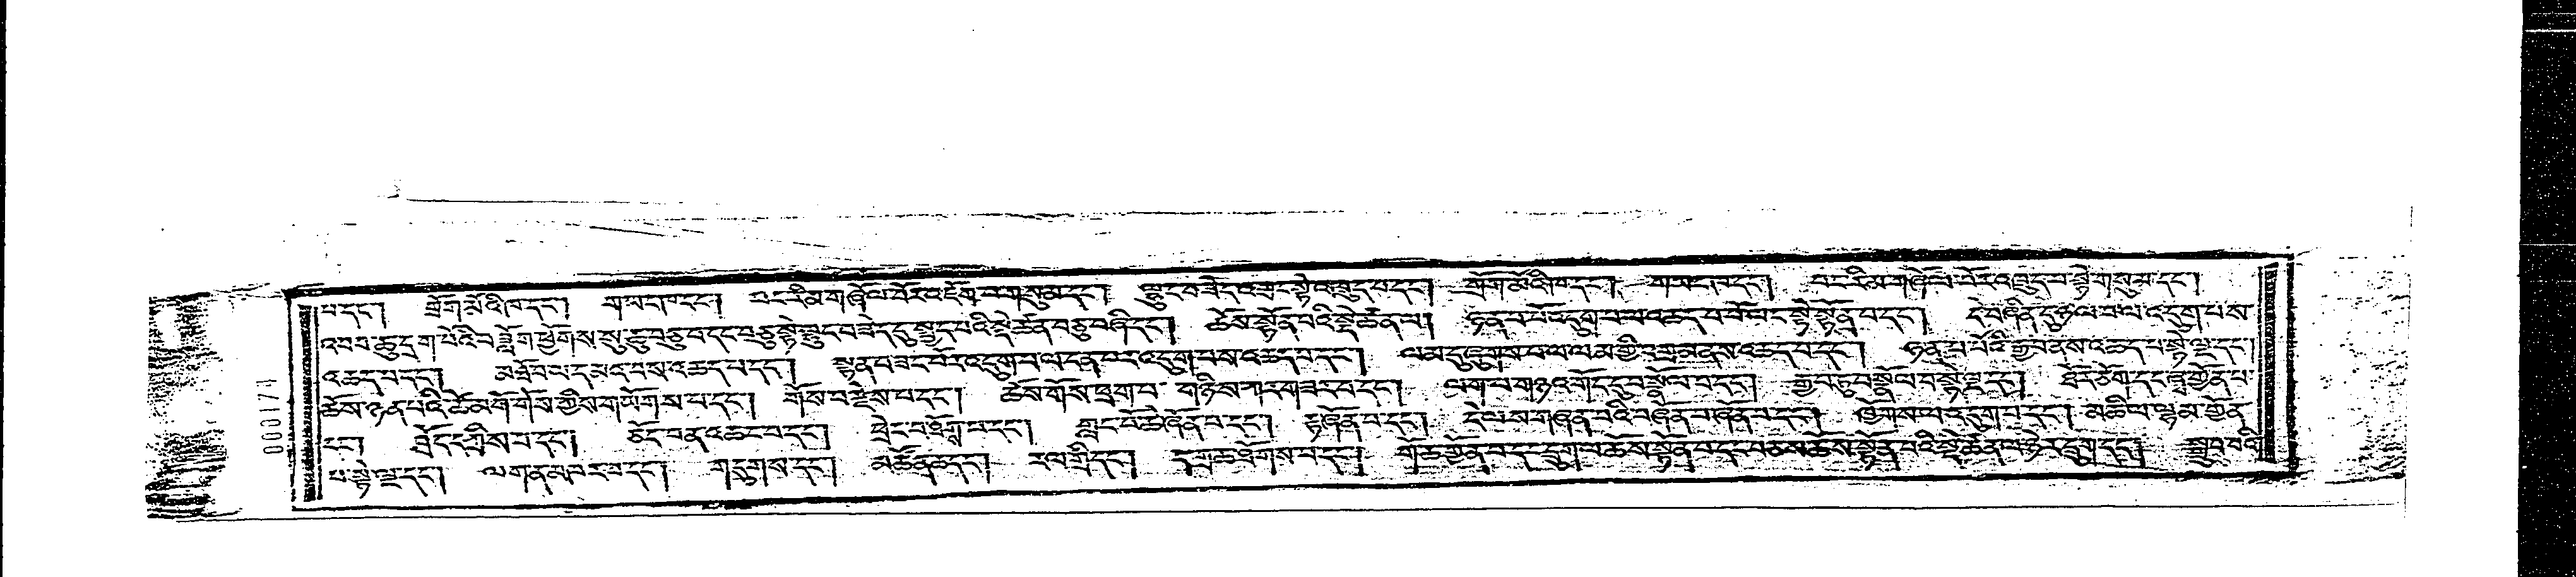པ་དང་། གྲོག་མོའི་ཁ་དང་། གཡང་ཁ་དང་། བང་རིམ་གཞོལ་བོར་འཇོག་པ་གསུམ་དང་། ལྷུང་བཟེད་འགྲང་སྟེ་འཁྲུད་པ་དང་། གྲོག་མོའི་ཁ་དང་། གཡང་ཁ་དང་། བང་རིམ་གཞོལ་བོར་འཁྲུད་པ་སྟེ་གསུམ་དང་།
འབབ་ཆུ་དྲག་པོའི་བཟློག་ཕྱོགས་སུ་ཆུ་བཅུ་བ་དང་བཅུ་སྟེ་ལྷུང་བཟེད་དུ་སྤྱད་པའི་སྡེ་ཚན་བཅུ་བཞི་དང་། ཆོས་སྟོན་པའི་དེ་ཚན་ལ། ཉན་པ་པོ་འདུག་པ་ལ་འཆད་པ་པོ་ལང་སྟེ་སྟོན་པ་དང་། དེ་བཞིན་དུ་ཉལ་བ་ལ་འདུག་པས་
འཆད་པ་དང་། མཐོ་བ་ལ་དམའ་བས་འཆད་པ་དང་། སྟན་བཟང་པོར་འདུག་པ་ལ་ངན་པར་འདུག་པས་འཆད་པ་དང་། ལམ་དུ་ཞུགས་པ་ལ་ལམ་གྱི་འགྲམ་ནས་འཆད་པ་དང་། ཉན་པ་པོའི་རྒྱབ་ནས་འཆད་པ་སྟེ་ལྔ་དང་།
ཆོས་ཉན་པའི་ཚེ་མགོ་གོས་ཀྱིས་གཡོགས་པ་དང་། གོས་བརྫེས་པ་དང་། ཆོས་གོས་ཕྲག་པ་གཉིས་ཀར་གཟར་བ་དང་། ལག་པ་གཉའ་གོང་དུ་བསྣོལ་བ་དང་། རྒྱབ་ཏུ་བསྣོལ་བ་སྟེ་ལྔ་དང་། ཐོར་ཅོག་དང་ཞྭ་གྱོན་པ་
དང་། ཐོད་དཀྲིས་པ་དང་། ཅོད་པན་འཆང་བ་དང་། ཕྲེང་བ་ཐོགས་པ་དང་། གླང་པོ་ཆེ་ཞོན་པ་དང་། རྟ་ཞོན་པ་དང་། དེ་ལས་གཞན་པའི་བཞོན་པ་ཞོན་པ་དང་། ཁྱོགས་ལ་འདུག་པ་དང་། མཆིལ་ལྷམ་གྱོན་
པ་སྟེ་ལྔ་དང་། ལག་ན་མཁར་བ་དང་། གདུགས་དང་། མཚོན་ཆ་དང་། རལ་གྲི་དང་། དགྲ་ཆ་ཐོགས་པ་དང་། གོ་ཆ་གྱོན་པ་དང་དྲུག་ལ་ཆོས་སྟོན་པ་དང་བཅས་ཆོས་སྟོན་པའི་སྡེ་ཚན་ལ་ཉེར་དྲུག་དང་། སྒྲུབ་པའི་